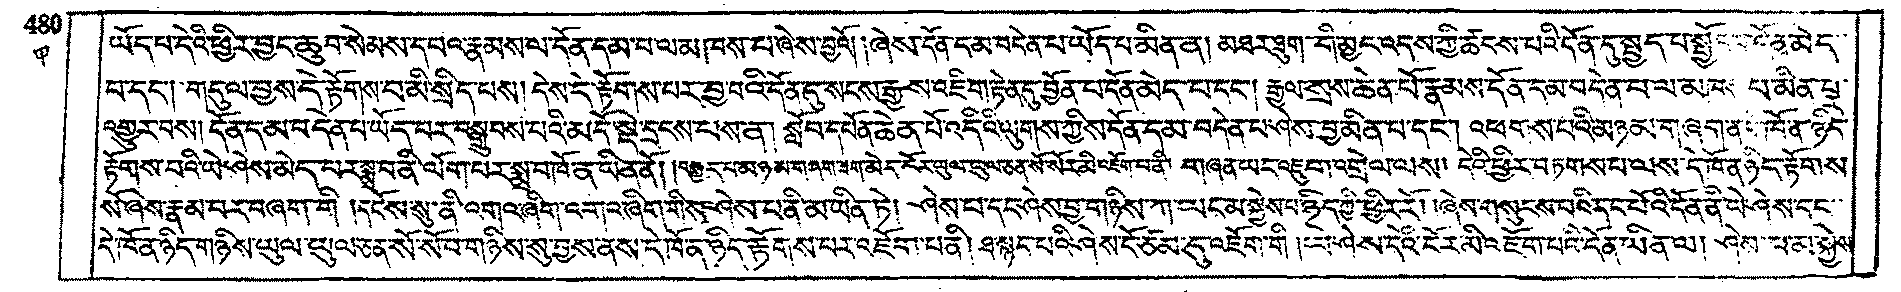ཡོད་པ་དེའི་ཕྱིར་བྱང་ཆུབ་སེམས་དཔའ་རྣམས་ལ་དོན་དམ་པ་ལ་མཁས་པ་ཞེས་བྱའོ། །ཞེས་དོན་དམ་བདེན་པ་ཡོད་པ་མིན་ན། མཐར་ཐུག་གི་མྱང་འདས་ཀྱི་ཚངས་པའི་དོན་དུ་སྤྱད་པ་སྤྱོད་པ་དོན་མེད་
པ་དང་། གདུལ་བྱས་དེ་རྟོགས་པ་མི་སྲིད་པས། དེས་དེ་རྟོགས་པར་བྱ་བའི་དོན་དུ་སངས་རྒྱས་འཇིག་རྟེན་དུ་བྱོན་པ་དོན་མེད་པ་དང་། རྒྱལ་སྲས་ཆེན་པོ་རྣམས་དོན་དམ་བདེན་པ་ལ་མཁས་པ་མིན་པར་
འགྱུར་བས། དོན་དམ་བདེན་པ་ཡོད་པར་བསྒྲུབས་པའི་མདོ་སྡེ་དྲངས་པས་ན། སློབ་དཔོན་ཆེན་པོ་འདིའི་ལུགས་ཀྱིས་དོན་དམ་བདེན་པ་ཤེས་བྱ་མིན་པ་དང་། འཕགས་པའི་མཉམ་གཞག་ན་དེ་ཁོ་ན་ཉིད་
རྟོགས་པའི་ཡེ་ཤེས་མེད་པར་སྨྲ་བ་ནི་ལོག་པར་སྨྲ་བ་ཁོ་ན་ཡིན་ནོ། །བརྒྱད་པ་མཉམ་གཞག་ཟག་མེད་ངོར་ཡུལ་ཡུལ་ཅན་སོ་སོར་མི་འཇོག་པ་ནི།  གཞན་ཡང་འཇུག་འགྲེལ་ལས། དེའི་ཕྱིར་བཏགས་པ་ལས་དེ་ཁོ་ན་ཉིད་རྟོགས་
སོ་ཞེས་རྣམ་པར་བཞག་གི །དངོས་སུ་ནི་འགའ་ཞིག་གིས་ཤེས་པ་ནི་མ་ཡིན་ཏེ། ཤེས་པ་དང་ཤེས་བྱ་གཉིས་ཀ་ཡང་མ་སྐྱེས་པ་ཉིད་ཀྱི་ཕྱིར་རོ། །ཞེས་གསུངས་པའི་དང་པོའི་དོན་ནི་ཡེ་ཤེས་དང་
དེ་ཁོ་ན་ཉིད་གཉིས་ཡུལ་ཡུལ་ཅན་སོ་སོ་བ་གཉིས་སུ་བྱས་ནས་དེ་ཁོ་ན་ཉིད་རྟོགས་པར་འཇོག་པ་ནི། ཐ་སྙད་པའི་ཤེས་ངོ་ཙམ་དུ་འཇོག་གི །ཡེ་ཤེས་དེའི་ངོར་མི་འཇོག་པའི་དོན་ཡིན་ལ། ཤེས་པ་མ་སྐྱེས་